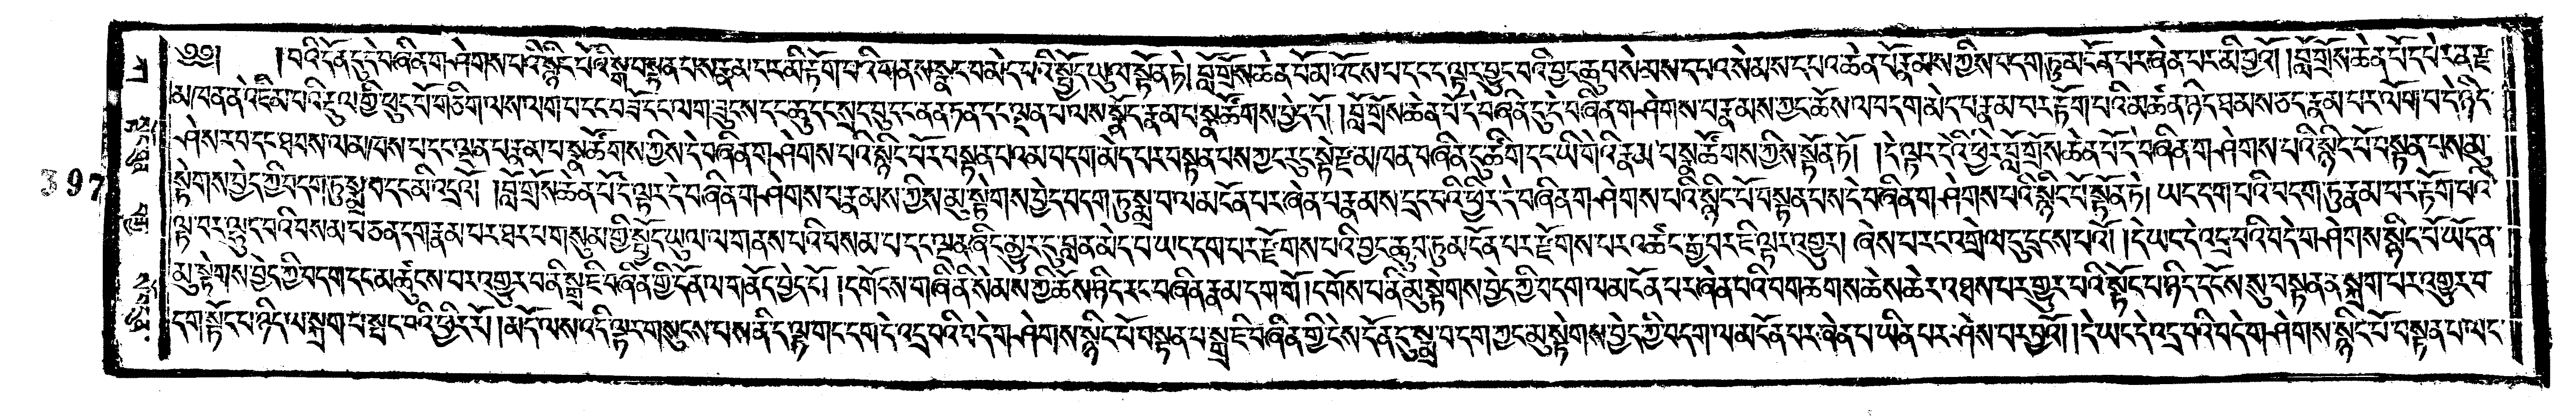༄༅། །བའི་དོན་དུ་དེ་བཞིན་གཤེགས་པའི་སྙིང་པོའི་སྒ་བསྟན་པས་རྣམ་པར་མི་རྟོག་པའི་གནས་སྣང་བ་མེད་པའི་སྤྱོད་ཡུལ་སྟོན་ཏེ། བློ་གྲོས་ཆེན་པོ་མ་འོངས་པ་དང་ད་ལྟར་བྱུང་བའི་བྱང་ཆུབ་སེམས་དཔའ་སེམས་དཔའ་ཆེན་པོ་རྣམས་ཀྱིས་བདག་ཏུ་མངོན་པར་ཞེན་པར་མི་བྱའོ། །བློ་གྲོས་ཆེན་པོ་དཔེར་ན་རྫ་
མཁན་ནི་འཇིམ་པའི་རྡུལ་གྱི་ཕུང་པོ་གཅིག་ལས་ལག་པ་དང་བཟོ་ངང་ལག་ཟུངས་དང་ཆུ་དང་སྲད་བུ་དང་ནན་ཏན་དང་ལྡན་པ་ལས་སྣོད་རྣམ་པ་སྣ་ཚོགས་བྱེད་དོ། །བློ་གྲོས་ཆེན་པོ་དེ་བཞིན་དུ་དེ་བཞིན་གཤེགས་པ་རྣམས་ཀྱང་ཆོས་ལ་བདག་མེད་པ་རྣམ་བར་རྟོག་པའི་མཚན་ཉིད་ཐམས་ཅད་རྣམ་པར་ལོག་པ་དེ་ཉིད་
ཤེས་རབ་དང་ཐབས་ལ་མཁས་པ་དང་ལྡན་པ་རྣམ་པ་སྣ་ཚོགས་ཀྱིས་དེ་བཞིན་གཤེགས་པའི་སྙིང་པོར་བསྟན་པའམ་བདག་མེད་པར་བསྟན་པས་ཀྱང་རུང་སྟེ་རྫ་མཁན་བཞིན་དུ་ཚིག་དང་ཡི་གེའི་རྣམ་པ་སྣ་ཚོགས་ཀྱིས་སྟོན་ཏོ། །དེ་ལྟར་དེའི་ཕྱིར་བློ་གྲོས་ཆེན་པོ་དེ་བཞིན་གཤེགས་པའི་སྙིང་པོ་བསྟན་པས་མུ་
སྟེགས་བྱེད་ཀྱི་བདག་ཏུ་སྨྲ་བ་དང་མི་འདྲའོ། །བློ་གྲོས་ཆེན་པོ་དེ་ལྟར་དེ་བཞིན་གཤེགས་པ་རྣམས་ཀྱིས་མུ་སྟེགས་བྱེད་བདག་ཏུ་སྨྲ་བ་ལ་མངོན་པར་ཞེན་པ་རྣམས་དྲང་བའི་ཕྱིར་དེ་བཞིན་གཤེགས་པའི་སྙིང་པོ་བསྟན་པས་དེ་བཞིན་གཤེགས་པའི་སྙིང་པོ་སྟོན་ཏེ། ཡང་དག་པའི་བདག་ཏུ་རྣམ་པར་རྟོག་པའི་
ལྟ་བར་ལྷུང་བའི་བསམ་པ་ཅན་དག་རྣམ་པར་ཐར་པ་གསུམ་གྱི་སྤྱོད་ཡུལ་ལ་གནས་པའི་བསམ་པ་དང་ལྡན་ཞིང་མྱུར་དུ་བླ་ན་མེད་པ་ཡང་དག་པར་རྫོགས་པའི་བྱང་ཆུབ་ཏུ་མངོན་པར་རྫོགས་པར་འཚང་རྒྱ་བར་ཇི་ལྟར་འགྱུར། ཞེས་པ་རང་འགྲེལ་དུ་དྲངས་པའོ། །དེ་ཡང་དེ་འདྲ་བའི་བདེ་གཤེགས་སྙིང་པོ་ཡོད་ན་
མུ་སྟེགས་བྱེད་ཀྱི་བདག་དང་མཚུངས་པར་འགྱུར་བ་ནི་སྒྲ་ཇི་བཞིན་གྱི་དོན་ལ་གནོད་བྱེད་དོ། །དགོངས་གཞི་ནི་སེམས་ཀྱི་ཆོས་ཉིད་རང་བཞིན་རྣམ་དག་གོ །དགོས་པ་ནི་མུ་སྟེགས་བྱེད་ཀྱི་བདག་ལ་མངོན་པར་ཞེན་པའི་བག་ཆགས་ཆེས་ཆེར་འཐས་པར་གྱུར་པའི་སྟོང་པ་ཉིད་དངོས་སུ་བསྟན་ན་སྐྲག་པར་འགྱུར་པ་
དག་སྟོང་པ་ཉིད་ལ་སྐྲག་བ་སྤང་བའི་ཕྱིར་རོ། །མདོ་ལས་འདི་ལྟར་གསུངས་པས་ནི་ད་ལྟ་གང་དག་དེ་འདྲ་བའི་བདེ་གཤེགས་སྙིང་པོ་བསྟན་པ་སྒྲ་ཇི་བཞིན་གྱི་ངེས་དོན་དུ་སྨྲ་བདག་ཀྱང་མུ་སྟེགས་བྱེད་ཀྱི་བདག་ལ་མངོན་པར་ཞེན་པ་ཡིན་པར་ཤེས་པར་བྱའོ། །དེ་ཡང་དེ་འདྲ་བའི་བདེ་གཤེགས་སྙིང་པོ་བསྟན་པ་ལང་